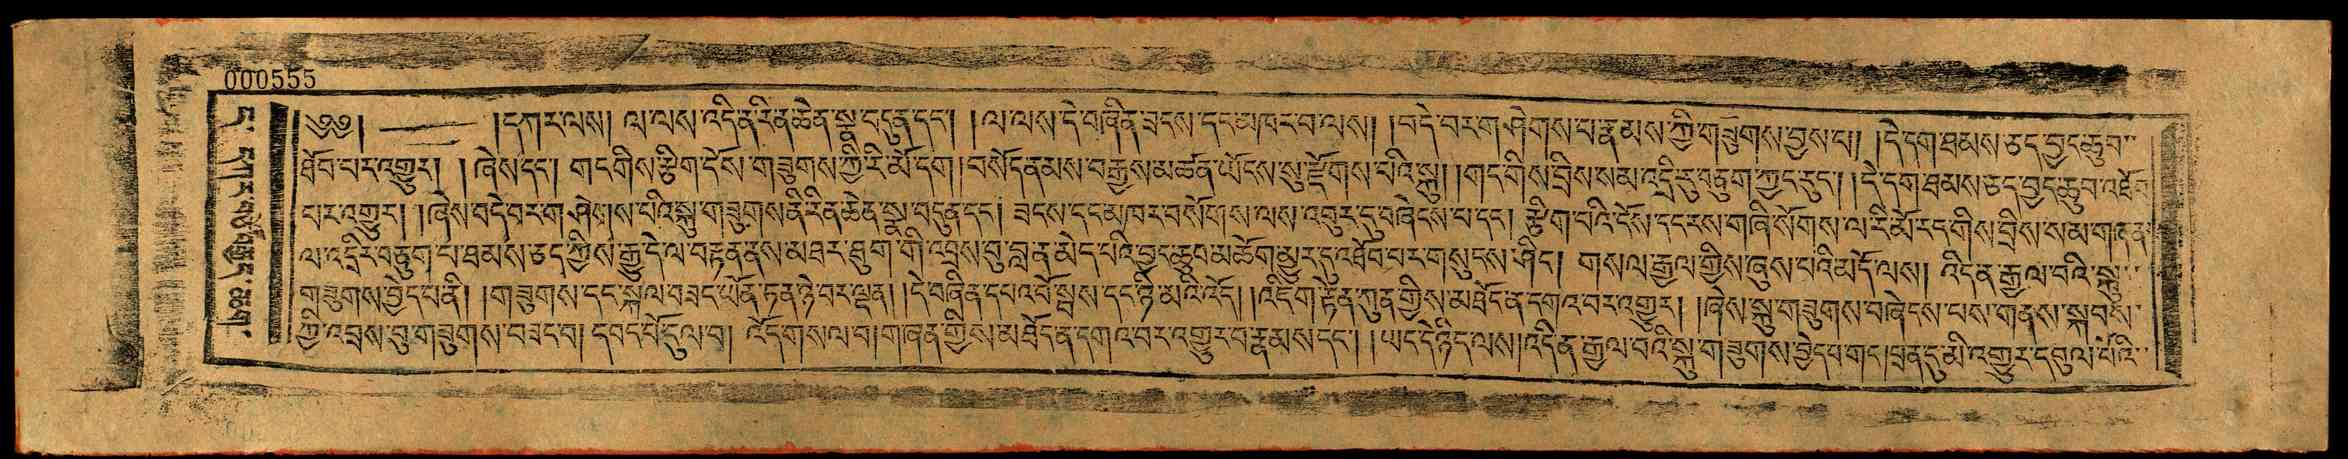༄༅། །དཀར་ལས། ལ་ལས་འདི་ན་རིན་ཆེན་སྣ་བདུན་དང་། །ལ་ལས་དེ་བཞིན་ཟངས་དང་མཁར་བ་ལས། །བདེ་བར་གཤེགས་པ་རྣམས་ཀྱི་གཟུགས་བྱས་པ། །དེ་དག་ཐམས་ཅད་བྱང་ཆུབ་
ཐོབ་པར་འགྱུར། །ཞེས་དང་། གང་གིས་རྩིག་ངོས་གཟུགས་ཀྱི་རི་མོ་དག །བསོད་ནམས་བརྒྱས་མཚན་ཡོངས་སུ་རྫོགས་པའི་སྐུ། །གང་གིས་བྲིས་སམ་འདྲི་རུ་བཅུག་ཀྱང་རུང་། །དེ་དག་ཐམས་ཅད་བྱང་ཆུབ་འཐོབ་
པར་འགྱུར། །ཞེས་བདེ་བར་གཤེགས་པའི་སྐུ་གཟུགས་ནི་རིན་ཆེན་སྣ་བདུན་དང་། ཟངས་དང་མཁར་བ་སོགས་ལས་འབུར་དུ་བཞེངས་པ་དང་། རྩིག་པའི་ངོས་དང་རས་གཞི་སོགས་ལ་རི་མོ་རང་གིས་བྲིས་སམ་གཞན་
ལ་འབྲིར་བཅུག་པ་ཐམས་ཅད་ཀྱིས་རྒྱུ་དེ་ལ་བརྟེན་ནས་མཐར་ཐུག་གི་འབྲས་བུ་བླ་ན་མེད་པའི་བྱང་ཆུབ་མཆོག་མྱུར་དུ་འཐོབ་པར་གསུངས་ཤིང་། གསལ་རྒྱལ་གྱིས་ཞུས་པའི་མདོ་ལས། །འདི་ན་རྒྱལ་བའི་སྐུ་
གཟུགས་བྱེད་པ་ནི། །གཟུགས་དང་སྐལ་བཟང་ཡོན་ཏན་ཉེ་བར་ལྡན། །དེ་བཞིན་དབང་པོ་སྦས་དང་ཉི་མའི་འོད། །འཇིག་རྟེན་ཀུན་གྱིས་མཐོང་ན་དགའ་བར་འགྱུར། །ཞེས་སྐུ་གཟུགས་བཞེངས་པས་གནས་སྐབས་
ཀྱི་འབྲས་བུ་གཟུགས་བཟང་བ། དབང་པོ་དུལ་བ། འོད་གསལ་བ། གཞན་གྱིས་མཐོང་ན་དགའ་བར་འགྱུར་བ་རྣམས་དང་། །ཡང་དེ་ཉིད་ལས། འདི་ན་རྒྱལ་བའི་སྐུ་གཟུགས་བྱེད་པ་གང་། བྲན་དུ་མི་འགྱུར་དབུལ་པོའི་